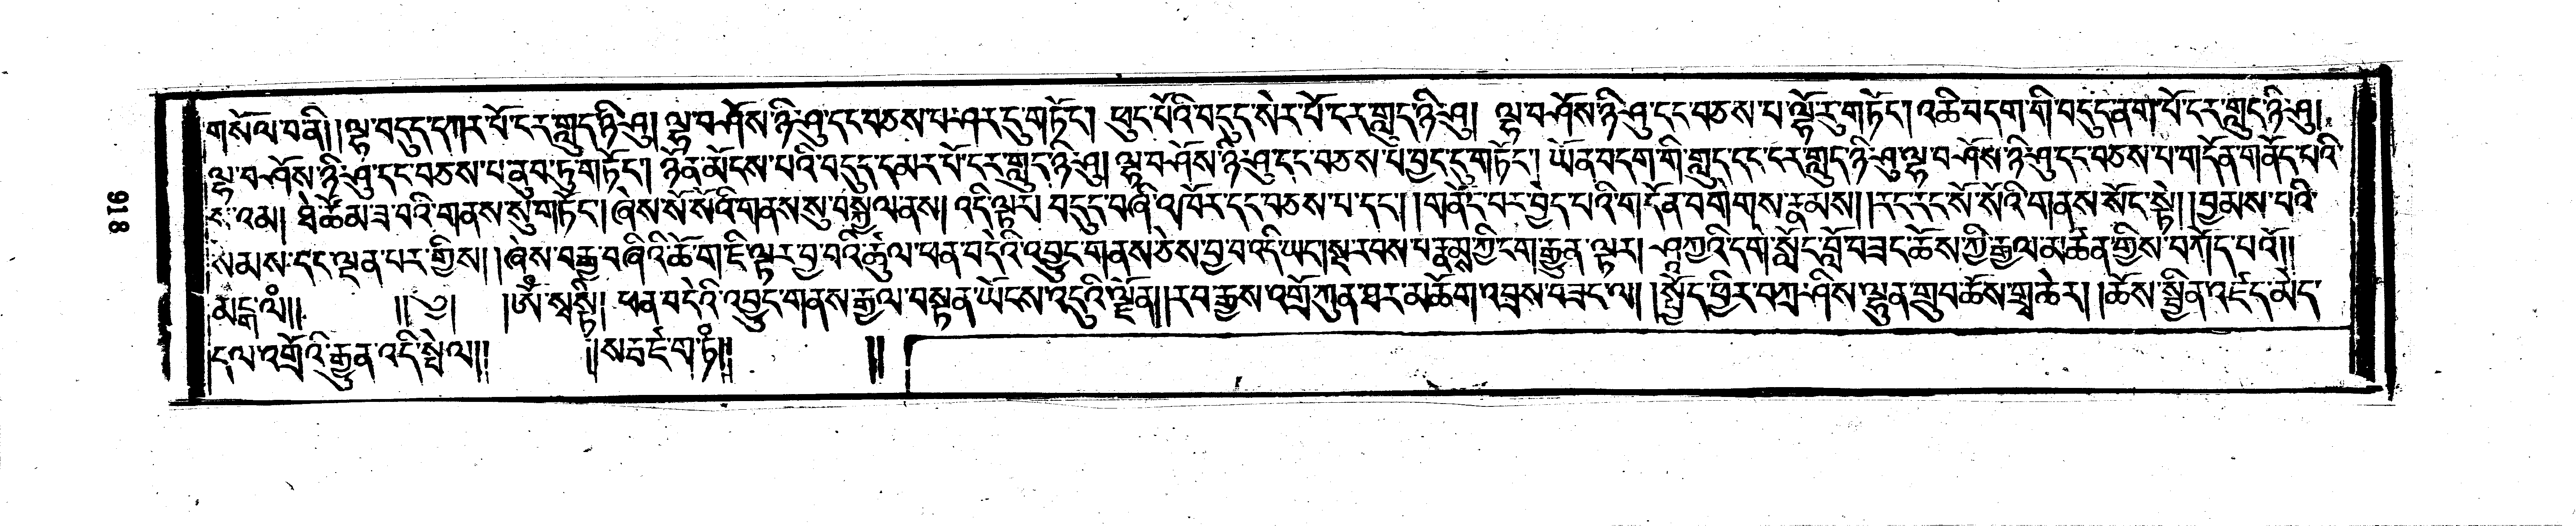གསོལ་བ་ནི། །ལྷ་བདུད་དཀར་པོ་ངར་གླུད་ཉི་ཤུ། ལྷ་བཤོས་ཉི་ཤུ་དང་བཅས་པ་ཤར་དུ་གཏོང་། ཕུང་པོའི་བདུད་སེར་པོ་ངར་གླུད་ཉི་ཤུ། ལྷ་བཤོས་ཉི་ཤུ་དང་བཅས་པ་ལྷོ་རུ་གཏོང་། འཆི་བདག་གི་བདུད་ནག་པོ་ངར་གླུད་ཉི་ཤུ།
ལྷ་བཤོས་ཉི་ཤུ་དང་བཅས་པ་ནུབ་ཏུ་གཏོང་། ཉོན་མོངས་པའི་བདུད་དམར་པོ་ངར་གླུད་ཉི་ཤུ། ལྷ་བཤོས་ཉི་ཤུ་རང་བཅས་པ་བྱང་དུ་གཏོང་། ཡོན་བདག་གི་གླུད་དང་ངར་གླུད་ཉི་ཤུ་ལྷ་བཤོས་ཉི་ཤུ་དང་བཅས་པ་གདོན་གནོད་པའི་
ས་འམ། ཐེ་ཚོམ་ཟ་བའི་གནས་སུ་གཏོང་། ཞེས་སོ་སོའི་གནས་སུ་བསྐྱལ་ནས། འདི་ལྟར། བདུད་བཞི་འཁོར་དང་བཅས་པ་དང་། །གནོད་པར་བྱེད་པའི་གདོན་བགེགས་རྣམས། །རང་རང་སོ་སོའི་གནས་སོང་སྟེ། །བྱམས་པའི་
སེམས་དང་ལྡན་པར་གྱིས། །ཞེས་བརྒྱ་བཞིའི་ཆོ་ག་ཇི་ལྟར་བྱ་བའི་ཚུལ་ཕན་བདེའི་འབྱུང་གནས་ཅེས་བྱ་བ་འདི་ཡང་། སྔ་རབས་པ་རྣམས་ཀྱི་ངག་རྒྱུན་ལྟར། ཤཱཀྱའི་དགེ་སློང་བློ་བཟང་ཆོས་ཀྱི་རྒྱལ་མཚན་གྱིས་བཀོད་པའོ། །
མངྒ་ལཾ།། །།༄༅། །ཨོཾ་སྭསྟི། ཕན་བདེའི་འབྱུང་གནས་རྒྱལ་བསྟན་ཡོངས་འདུའི་ལྗོན། །རབ་རྒྱས་འགྲོ་ཀུན་ཐར་མཆོག་འབྲས་བཟང་ལ། །སྤྱོད་ཕྱིར་བཀྲ་ཤིས་ལྷུན་གྲུབ་ཆོས་གྲྭ་ཆེར། །ཆོས་སྦྱིན་འཛད་མེད་
དལ་འགྲོའི་རྒྱུན་འདི་སྤེལ།། །།སརྦ་ཛ་ག་ཏཾ།། །།